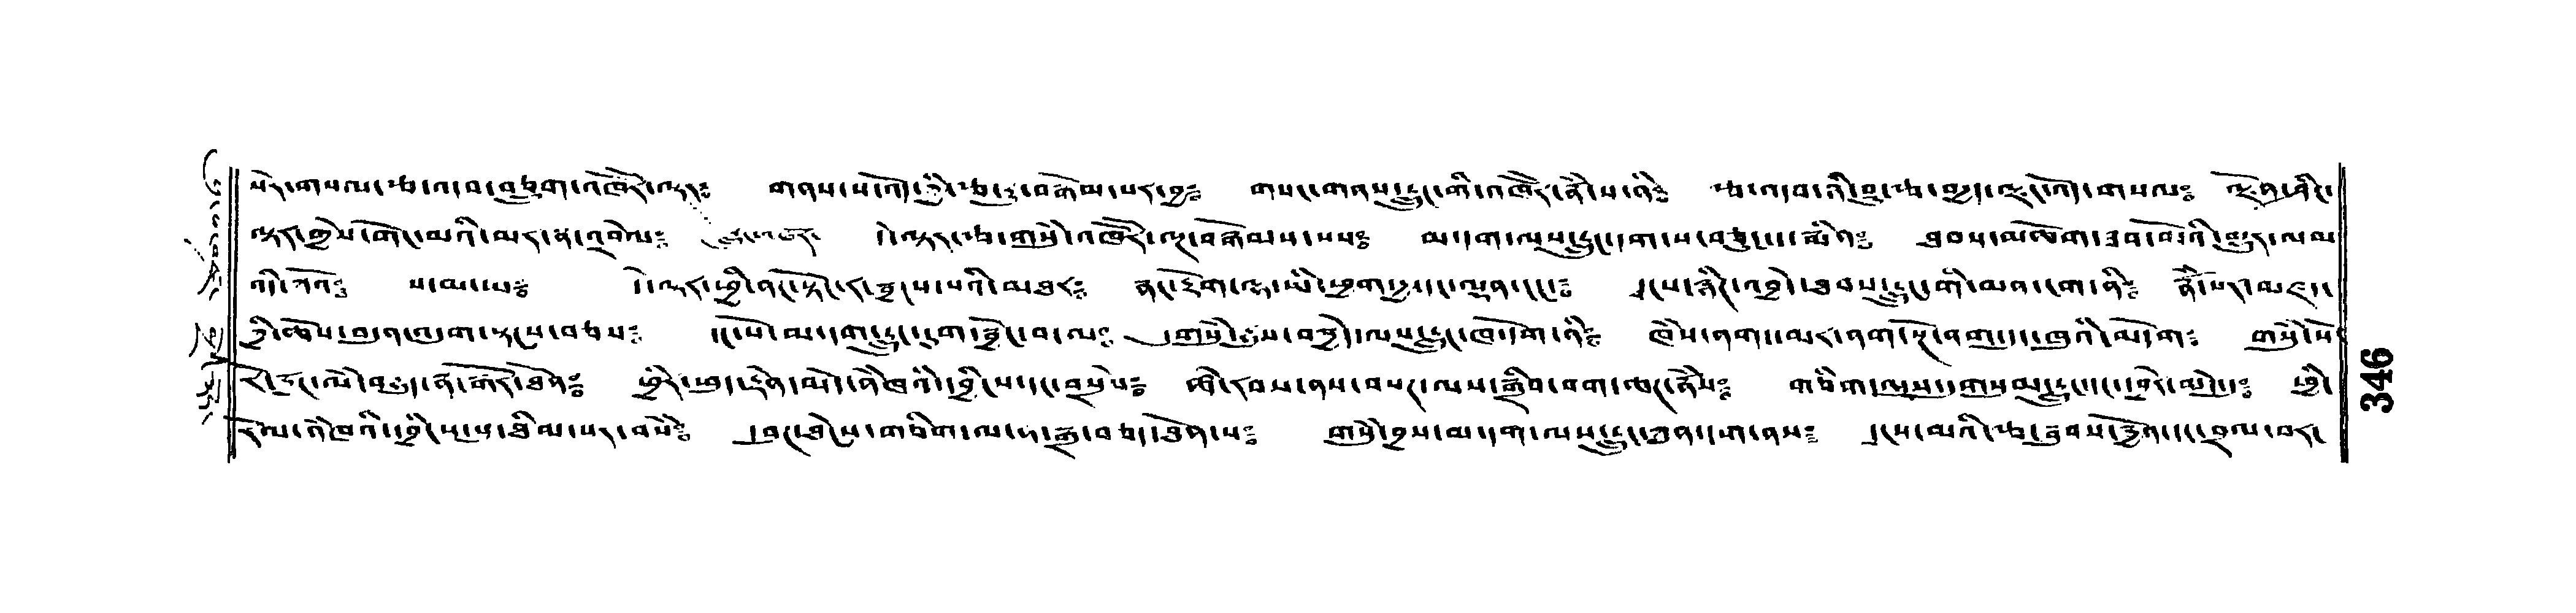སེར་གསལ་རྩ་འདབ་བཅུ་དྲུག་འཁོར་ལོ་ལྟར༔ གནས་པ་འོད་ཀྱི་རྩ་རུ་བསྒོམ་པར་བྱ༔གསང་གནས་རླུང་གི་འཁོར་ལོ་རྣམ་པ་ནི༔ རྩ་འདབ་ཉི་ཤུ་རྩ་བརྒྱད་ལྗང་འོད་གསལ༔ ལྗོན་ཤིང་
ལྟར་གྱེས་གོང་མའི་མར་སྣ་འབྲེལ༔ དེ་ལྟར་རྩ་གསུམ་འཁོར་ལོ་ལྔ་བསྒོམས་པས༔ མ་དག་ལས་རླུང་དག་པ་བཅུད་དུ་སྨིན༔ ཐབས་མཆོག་ཟབ་མོའི་མྱུར་ལམ་
འདི་ཀའོ༔ ས་མ་ཡ༔ དེ་ལྟར་ཕྱི་ནང་སྟོང་ར་སྦྱངས་པའི་མཐར༔ སྣང་རྟོག་ལྷ་ཡི་ཕྱག་རྒྱ་དང་ལྡན་ངང༔ དྭངས་སྙིགས་འབྱེད་ཐབས་རླུང་གི་མན་ངག་ནི༔ རྣམ་པར་མཛད་
ཀྱི་ཆོས་བདུན་འདུག་སྟངས་བཅས༔ དང་པོ་མ་དག་རླུང་དུག་སྦྱོང་བ་ལ༔ དུག་གསུམ་རྒྱུས་བསྐྱེད་ལས་རླུང་ཁ་དོག་ནི༔ ཁམས་ནག་དམར་ནག་སྔོ་ནག་དུད་ཁུའི་མདོག༔ གསུམ་པོ་
རོ་རྐྱང་ལམ་བརྒྱུད་སྣ་སྒོར་ཐོན༔ ཕྱིར་ཕུད་རྟེན་མེད་ནམ་མཁའི་དབྱིངས་དང་བསྲེས༔ ཚེ་རབས་ནས་བསགས་ལས་སྒྲིབ་བག་ཆགས་རྣམས༔ གཅིག་ལས་དུག་གསུམ་རླུང་དང་དབྱེར་མེད་དུ༔ ཕྱི་
རོལ་ནམ་མཁའི་དབྱིངས་སུ་ཐིམ་པར་བསམ༔ དབུགས་ཐེངས་གཅིག་ལ་ཧ་སྒྲ་བཅས་ཐོན་པ༔ གསུམ་བྱས་མ་དག་ལས་རླུང་ཀུན་དག་ནས༔ དྭངས་མའི་རྩ་སྦུབས་རྐྱེན་དང་བྲལ་བར་